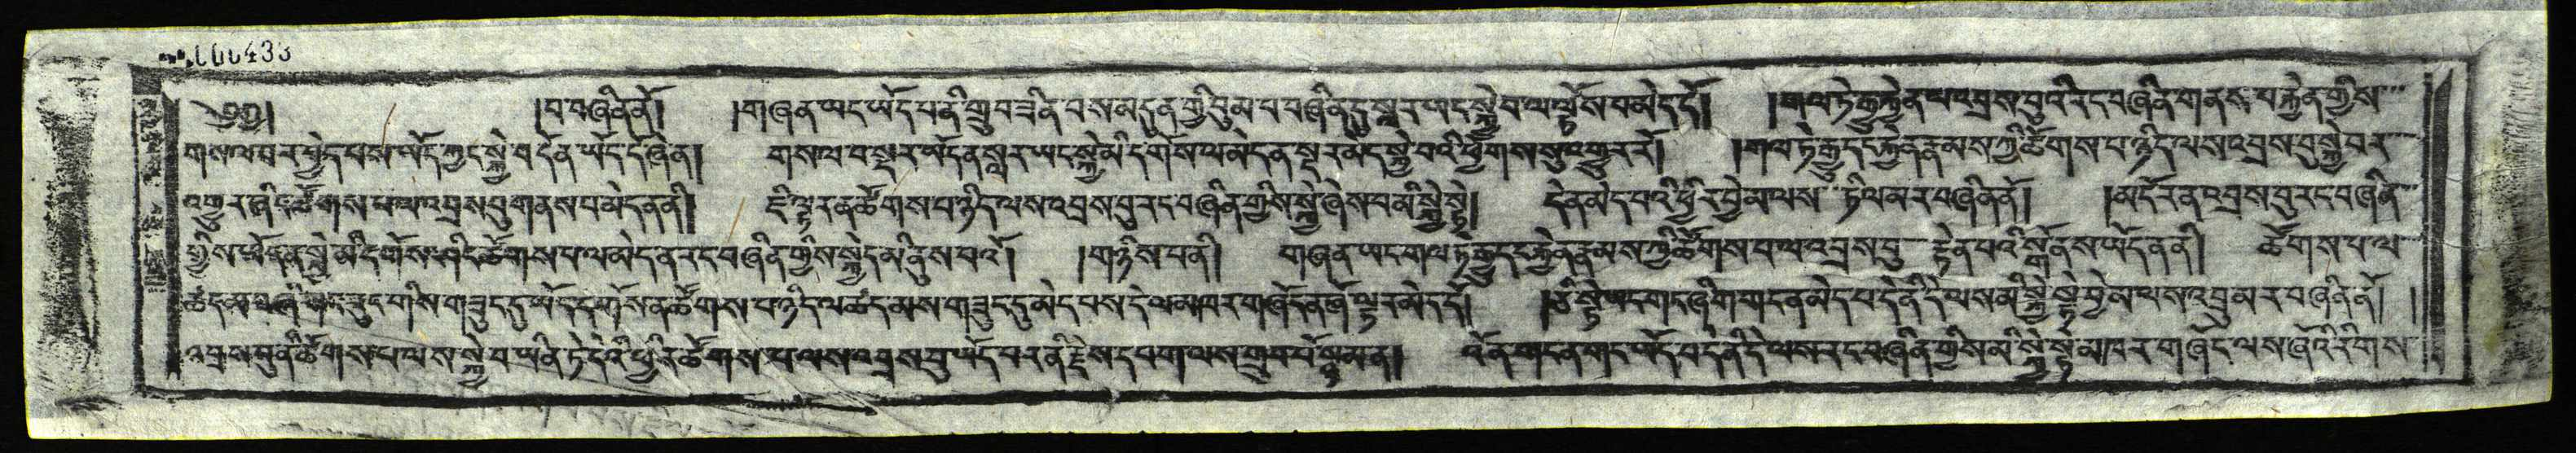༄༅། །བ་བཞིན་ནོ། །གཞན་ཡང་ཡོད་པ་ནི་གྲུབ་ཟིན་བས་མདུན་གྱི་བུམ་པ་བཞིན་དུ་སླར་ཡང་སྐྱེ་བ་ལ་ལྟོས་པ་མེད་དོ། །གལ་ཏེ་རྒྱུ་རྐྱེན་ལ་འབྲས་བུའི་རང་བཞིན་གནས་བ་རྐྱེན་གྱིས་
གསལ་བར་བྱེད་པས་ཡོད་ཀྱང་སྐྱེ་བ་དོན་ཡོད་དོ་ཞེ་ན། གསལ་བ་སྔར་ཡོད་ན་སླར་ཡང་སྐྱེ་མི་དགོས་ལ་མེད་ན་སྔར་མེད་སྐྱེ་བའི་ཕྱོགས་སུ་འགྱུར་རོ། །གལ་ཏེ་རྒྱུ་དང་རྐྱེན་རྣམས་ཀྱི་ཚོགས་པ་ཉིད་ལས་འབྲས་བུ་སྐྱེ་བར་
འགྱུར་ཞིང་ཚོགས་པ་ལ་འབྲས་བུ་གནས་པ་མེད་ན་ནི། ཇི་ལྟར་ན་ཚོགས་པ་ཉིད་ལས་འབྲས་བུ་རང་བཞིན་གྱིས་སྐྱེ་ཞེས་པ་མི་སྐྱེ་སྟེ། དེ་ན་མེད་པའི་ཕྱིར་བྱེ་མ་ལས་ཏིལ་མར་བཞིན་ནོ། །མདོར་ན་འབྲས་བུ་རང་བཞིན་
གྱིས་ཡོད་ན་སྐྱེ་མི་དགོས་ཤིང་ཚོགས་པ་ལ་མེད་ན་རང་བཞིན་གྱིས་སྐྱེད་མི་ནུས་པའོ། །གཉིས་པ་ནི། གཞན་ཡང་གལ་ཏེ་རྒྱུ་དང་རྐྱེན་རྣམས་ཀྱི་ཚོགས་པ་ལ་འབྲས་བུ་རྟེན་པའི་སྒོ་ནས་ཡོད་ན་ནི། ཚོགས་པ་ལ་
ཚད་མ་བཞི་གང་རུང་གིས་གཟུང་དུ་ཡོད་དགོས་ན་ཚོགས་པ་ཉིད་ལ་ཚད་མས་གཟུང་དུ་མེད་པས་དེ་ལ་མཁར་གཞོད་ན་ཞོ་ལྟར་མེད་དོ། །ཅི་སྟེ་ཡང་གང་ཞིག་གང་ན་མེད་པ་དེ་ནི་དེ་ལས་མི་སྐྱེ་སྟེ་བྱེ་མ་ལས་འབྲུ་མར་བཞིན་ནོ། །
འབྲས་བུ་ནི་ཚོགས་པ་ལས་སྐྱེ་བ་ཡིན་ཏེ་དེའི་ཕྱིར་ཚོགས་པ་ལས་འབྲས་བུ་ཡོད་པར་ནི་རྗེས་དཔག་ལས་གྲུབ་པོ་སྙམ་ན། འོ་ན་གང་ན་གང་ཡོད་པ་དེ་ནི་དེ་ལས་རང་བཞིན་གྱིས་མི་སྐྱེ་སྟེ་མཁར་གཞོང་ལས་ཞོའི་རིགས་